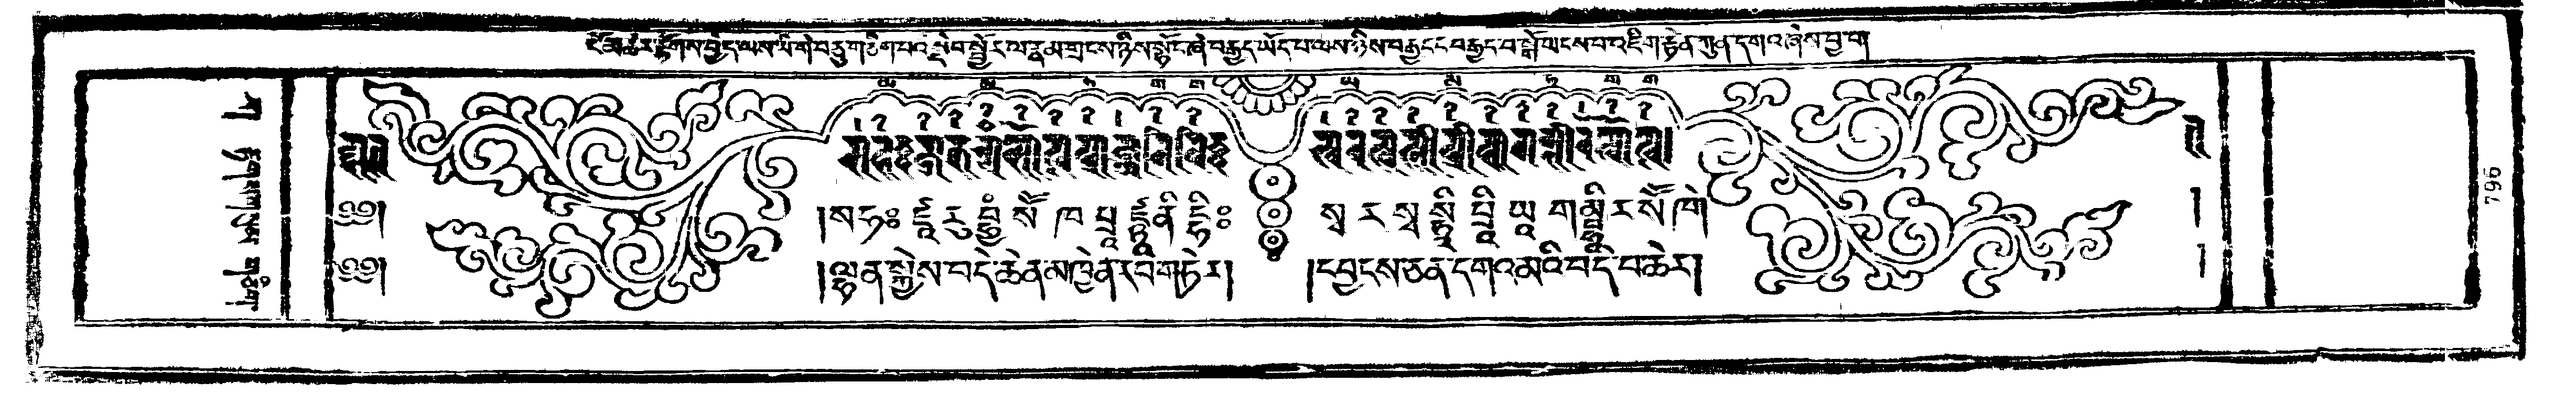༄༅། །སཧཿ ཛཱ་རུ་བྷྱཾ་སཽ་ཁ་པྲཱ་ཛྙཱ་ནི་དྷིཿ སྭ་ར་སྭ་སྟཱི?་པྲཱི་ཡཱ་གམདྷཱི་ར་སཽ་ཁེ།
༄༅། །ལྷན་སྐྱེས་བདེ་ཆེན་མཁྱེན་རབ་གཏེར། །དབྱངས་ཅན་དགའ་མའི་བདེ་བ་ཆེར།